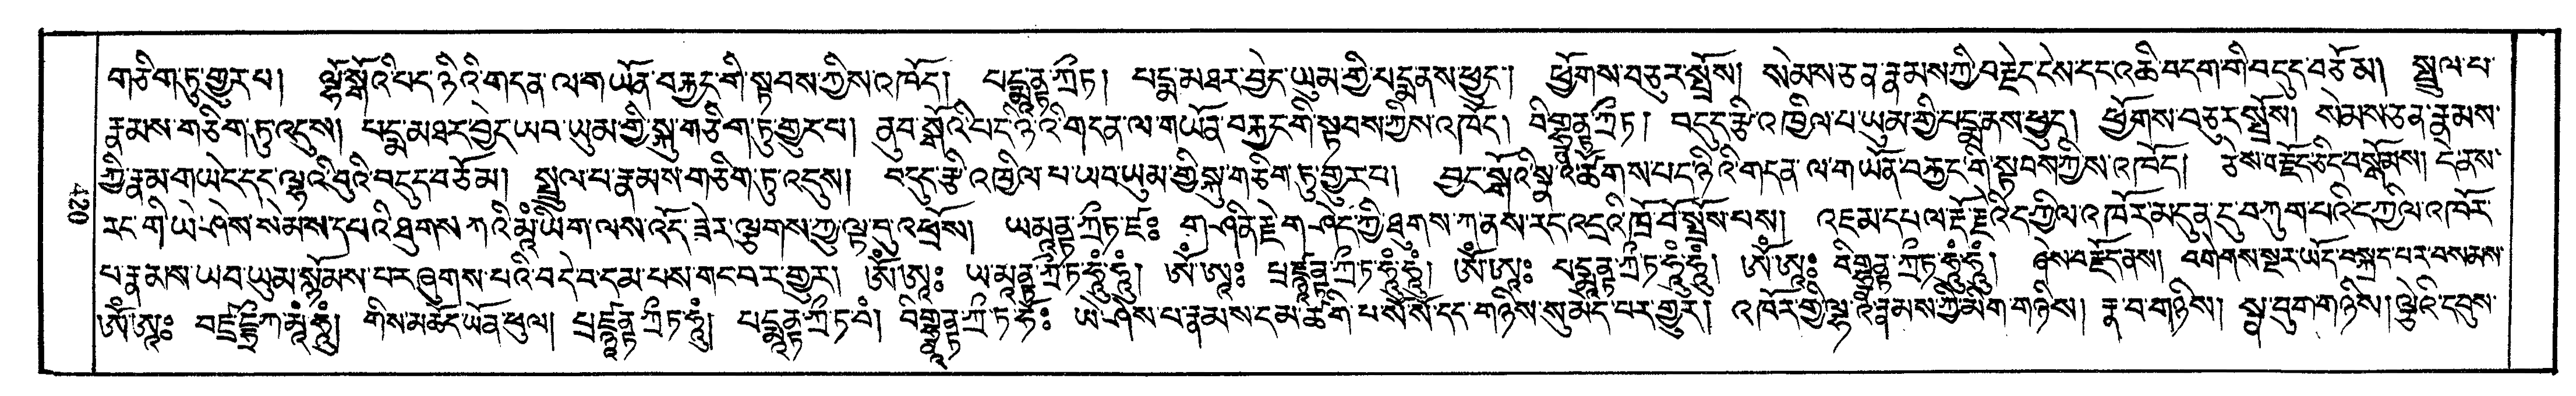གཅིག་ཏུ་གྱུར་པ། ལྷོ་སྒོའི་པད་ཉིའི་གདན་ལ་གཡོན་བརྐྱང་གི་སྟབས་ཀྱིས་འཁོད། པདམཱནྟ་ཀྲྀཏ། པདམ་མཐར་བྱེད་ཡུམ་གྱི་པདམ་ནས་ཕྱུང་། ཕྱོགས་བཅུར་སྤྲོས། སེམས་ཅན་རྣམས་ཀྱི་བརྗེད་ངེས་དང་འཆི་བདག་གི་བདུད་བཅོམ། སྤྲུལ་པ་
རྣམས་གཅིག་ཏུ་འདུས། པདམ་མཐར་བྱེད་ཡབ་ཡུམ་གྱི་སྐུ་གཅིག་ཏུ་གྱུར་པ། ནུབ་སྒོའི་པ་དི་ཉའི་གདན་ལ་གཡོན་བརྐྱང་གི་སྟབས་ཀྱིས་འཁོད། བིགྷྣཱནྟ་ཀྲྀཏ། བདུད་རྩི་འཁྱིལ་པ་ཡུམ་གྱི་པདམ་ནས་ཕྱུང་། ཕྱོགས་བཅུར་སྤྲོས། སེམས་ཅན་རྣམས་
གྱི་རྣམ་གཡེང་དང་ལྷའི་བུའི་བདུད་བཅོམ། སྤྲུལ་པ་རྣམས་གཅིག་ཏུ་འདུས། བདུད་རྩི་འཁྱིལ་པ་ཡབ་ཡུམ་གྱི་སྐུ་གཅིག་ཏུ་གྱུར་པ། བྱང་སྒོའི་སྣའི་ཚོགས་པད་ཉིའི་གདན་ལ་གཡོན་བརྐྱང་གི་སྟབས་ཀྱིས་འཁོད། ཅེས་བརྗོད་ཅིང་བསྒོམས། དེ་ནས་
རང་གི་ཡེ་ཤེས་སེམས་དཔའི་ཐུགས་ཀའི་མཱཾ་ཡིག་ལས་འོད་ཟེར་ལྕགས་ཀྱུ་ལྟ་བུ་འཕྲོས། ཡ་མཱནྟ་ཀྲྀཏ་ཛཿ གཤིན་རྗེ་གཤེད་ཀྱི་ཐུགས་ཀ་ནས་རང་འདྲའི་ཁྲོ་བོ་སྤྲོས་པས། འཇམ་དཔལ་རྡོ་རྗེའི་དཀྱིལ་འཁོར་མདུན་དུ་བཀུག་པའི་དཀྱིལ་འཁོར་
པ་རྣམས་ཡབ་ཡུམ་སྙོམས་པར་ཞུགས་པའི་བདེ་བ་དམ་པས་གང་བར་གྱུར། ཨོཾ་ཨཱཿ ཡ་མཱནྟ་ཀྲྀ་ཏ་ཧཱུཾ་ཧཱུཾ། ཨོཾ་ཨཱཿ པྲཛྙཱ་ཀྲྀཏ་ཧཱུཾ་ཧཱུཾ། ཨོཾ་ཨཱཿ པདམཱནྟ་ཀྲཾཏ་ཧཱུཾ་ཧཱུཾ། ཨོཾ་ཨཱཿ བིགྷྣཱནྟ་ཀྲྀཏ་ཧཱུཾ་ཧཱུཾ། ཞེས་བརྗོད་ནས། བགེགས་སྔར་ཡོད་བསྐྲད་པར་བསམས་
ཨོཾ་ཨཱཿ བཛྲ་དྷྲྀ་ཀ་མཱཾ་ཧཱུཾ། གིས་མཆོད་ཡོན་ཕུལ། པྲཛྙཱནྟ་ཀྲྀ་ཏ་ཧཱུཾ། པདམཱནྟ་ཀྲྀཏ་བཾ། བིགྷྣཱནྟ་ཀྲྀ་ཏ་ཧོཿ ཡེ་ཤེས་པ་རྣམས་དམ་ཚིག་པ་སོ་སོ་དང་གཉིས་སུ་མེད་པར་གྱུར། འཁོར་གྱི་ལྷ་རྣམས་ཀྱི་མིག་གཉིས། རྣ་བ་གཉིས། སྣ་བུག་གཉིས། ལྕེའི་དབུས་